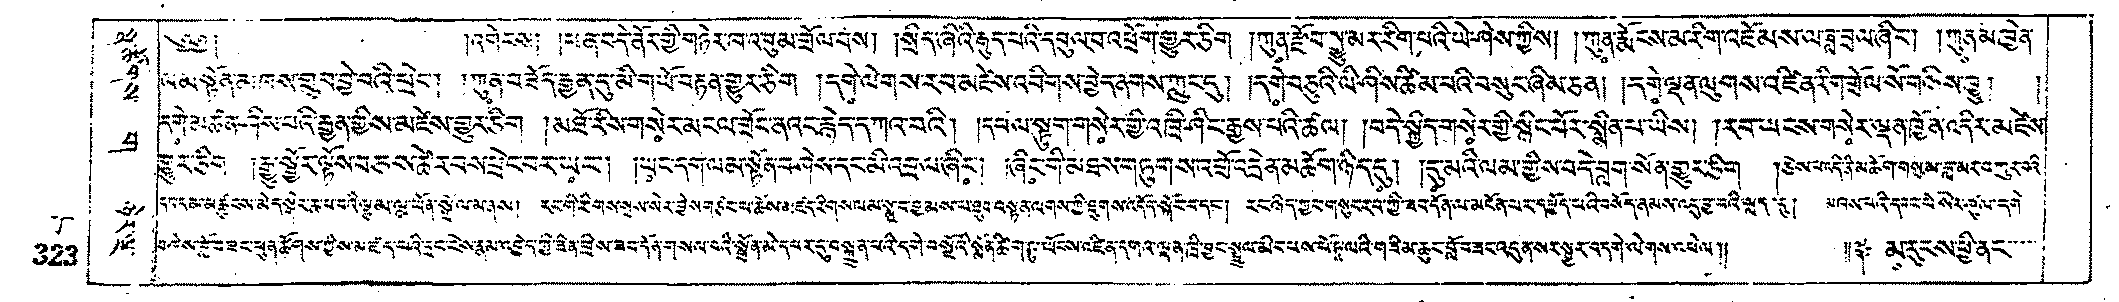༄༅། །འགེངས། །ཕན་བདེ་ནོར་གྱི་གཏེར་ཁ་འབུམ་གྲོལ་བས། །སྲིད་ཞིའི་རྒུད་པའི་དབུལ་བ་འཕྲོག་གྱུར་ཅིག །ཀུན྾་རྫོབ྾་སྒྱུ་མར་རིག་པའི་ཡེ་ཤེས་ཀྱིས། །ཀུན྾་རྨོངས་མ་རིག་འཇོམས་ལ་ཟླ་བྲལ་ཞིང་། །ཀུན྾་མཁྱེན་
ལམ་སྟོན་མཁས་གྲུབ་བྱེ་བའི་ཕྲེང་། །ཀུན྾་བཟོད་རྒྱན་དུ་མི་གཡོ་བརྟན་གྱུར་ཅིག །དགེ྾་ལེགས་རབ་མཛེས་འབིགས་བྱེད་ནགས་ཀླུང་དུ། །དགེ྾་བཅུའི་ལི་ཤིས་ཚིམ་པའི་བསུང་ཞིམ་ཅན། །དགེ྾་ལྡན་ལུགས་འཛིན་རིག་གྲོལ་སོ་གཉིས་ཁྱུ། །
དགེ྾་མཚན་ཤིས་པའི་རྒྱན་གྱིས་མཛེས་གྱུར་ཅིག །མཐོ་རིས་གསེར྾་མངལ་གྲོང་ནའང་རྙེད་དཀའ་བའི། །དཔལ་སྟུག་གསེར྾་གྱི་འཁྲི་ཤིང་རྒྱས་པའི་ཚལ། །བདེ་སྐྱིད་གསེར྾་གྱི་སྙིང་པོར་སྨིན་པ་ཡིས། །རབ་ཡངས་གསེར྾་ལྡན་ཁྱོན་འདིར་མཛེས་
གྱུར་ཅིག །རྒྱུ་སྦྱོར་ལྟོས་བཅས་ཚེ་རབས་ཕྲེང་བར་ཡང྾། །ཡང྾་དག་ལམ་སྟོན་བཤེས་དང་མི་འབྲལ་ཞིང྾། །ཞིང྾་གི་མཐས་གཏུགས་འགྲོ་འདྲེན་མཆོག་ཉིད་དུ྾། །དུ྾་མའི་ལམ་གྱིས་བདེ་བླག་སོན་གྱུར་ཅིག །ཅེས་པ་འདི་ནི་མཆོག་གསུམ་བླ་མར་བཀུར་བའི་
དད་དམ་མཚུངས་མེད་སྒེར་ཆ་པ་བའི་ལྕམ་ལྷ་ཡོན་སྒྲོལ་མ་ནས། རང་གི་རིགས་སྲས་སེར་བྱེས་གཙང་པ་ཆོས་མཛད་རིགས་ལམ་སྨྲ་བ་བྱམས་པ་ཐུབ་བསྟན་ལགས་ཀྱི་ཐུགས་འདོད་སྐོང་བ་དང་། རང་ཉིད་ཀྱང་གསུང་རབ་ཀྱི་ཟབ་དོན་ལ་མངོན་པར་དཔྱོད་པའི་བསོད་ནམས་འདུ་བྱ་བའི་སླད་དུ། མཁས་པའི་དབང་པོ་སེར་ཤུལ་དགེ་
བཤེས་བློ་བཟང་ཕུན་ཚོགས་ཀྱིས་མཛད་པའི་དྲང་ངེས་རྣམ་འབྱེད་ཀྱི་ཟིན་བྲིས་ཟབ་དོན་གསལ་བའི་སྒྲོན་མེ་དཔར་དུ་བསྐྲུན་པའི་དགེ་བསྔོའི་སྨོན་ཚིག་ཏུ་ཡོངས་འཛིན་དགའ་ལྡན་ཁྲི་བྱང་སྤྲུལ་མིང་པས་པོ་ཏཱ་ལའི་གཟིམ་ཆུང་བློ་བཟང་འདུན་སར་སྦྱར་བ་དགེ་ལེགས་འཕེལ།། །།འ་མ྾་རུངས་ཕྱི་ནང་་་